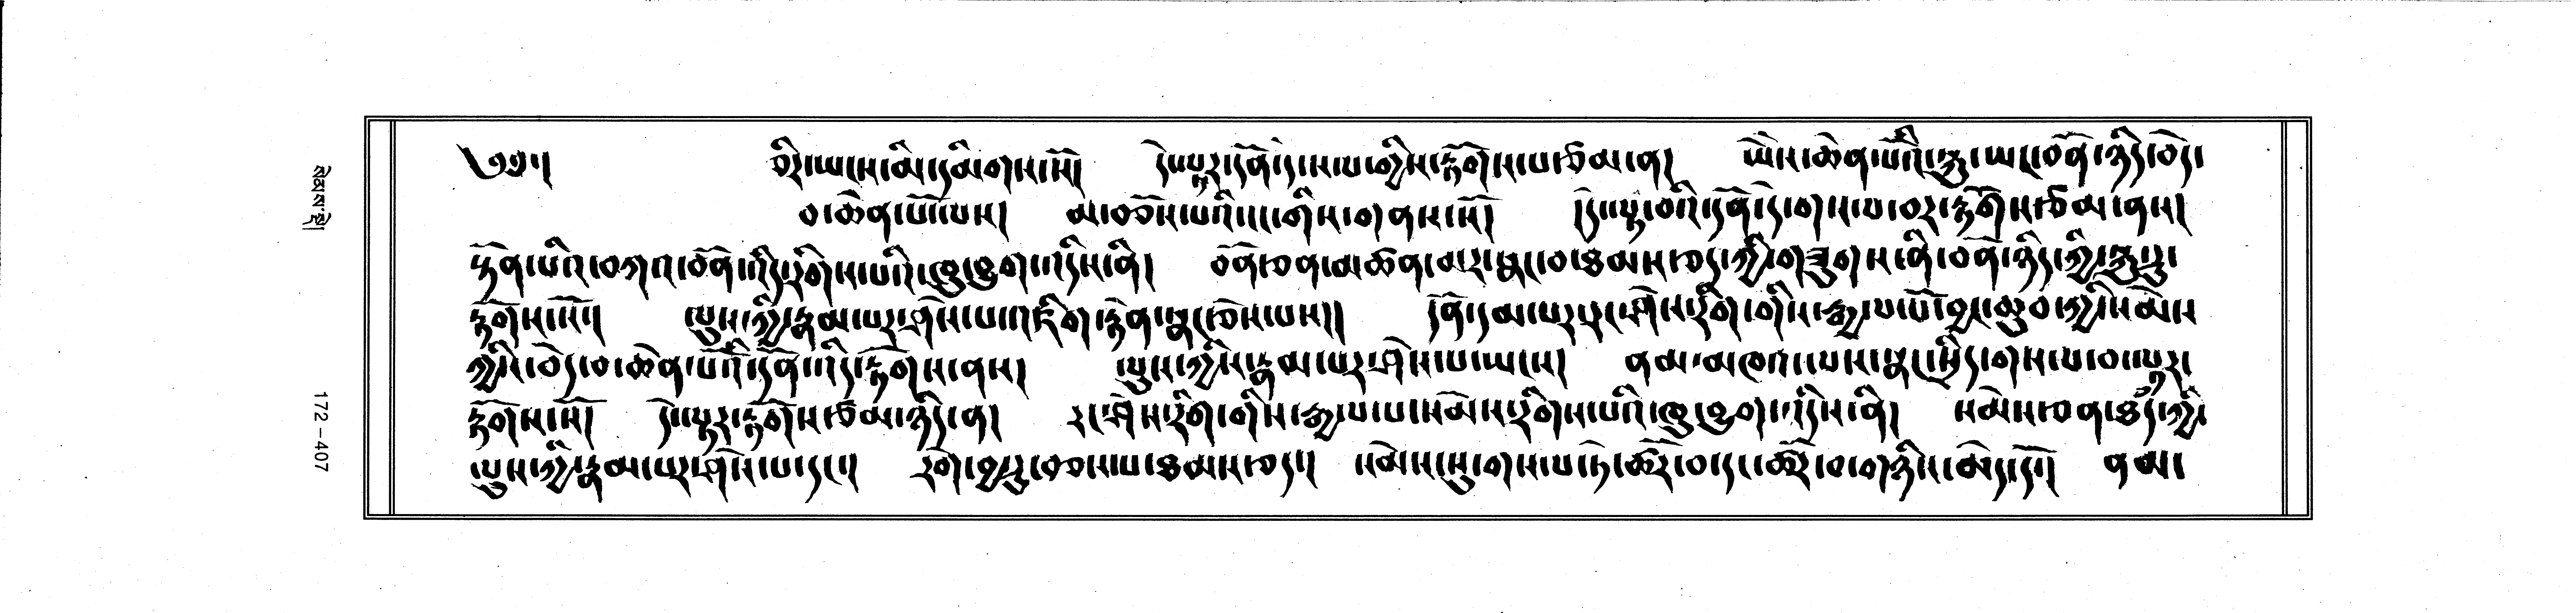ཅིར་ཡོངས་མི་དམིགས་སོ། དེ་ལྟར་དོན་དེ་སལ་གྱིས་རྟོགས་པ་ཙམ་ན། ཡེ་ཤེས་ཆེན་པོའི་སྐུ་ཡང་བོན་ཉིད་བདེ་
བ་ཆེན་པོ་ལས། མ་བཅོས་པའི་ངང་གིས་གནས་སོ། དེ་ལྟ་བའི་དོན་དེ་གསལ་བར་རྟོགས་ཙམ་ནས། 
སྟོན་པའི་བཀའ་བོན་འདི་རིག་པའི་ཁུ་བྱུག་འདིས་ནི། བོན་ཅན་མཚན་མར་སྣང་བ་ཐམས་ཅད་ཀྱི་གཟུགས་ནི་བོན་ཉིད་ཀྱི་སྐུ་རུ་
རྟོགས་སོ། ལུས་ཀྱི་རྣམ་པར་ཤེས་པ་འཇིག་རྟེན་སྣང་ཅེས་པས། དོན་དམ་པར་རང་ཤེས་རིག་གིས་རྒྱལ་པོ་བྱང་ཆུབ་ཀྱིས་སེམས་
ཀྱིས་བདེ་བ་ཆེན་པོའི་དོན་འདི་རྟོགས་ནས། ལུས་ཀྱིས་རྣམ་པར་ཤེས་པ་ཡང་། ནམ་མཁའ་ལས་སྣང་སྲིད་གསལ་བ་ལྟར་
རྟོགས་སོ། དེ་ལྟར་རྟོགས་ཙམ་ཉིད་ན། རང་ཤེས་རིག་གིས་རྒྱལ་པོ་སེམས་རིག་པའི་ཁུ་བྱུག་འདིས་ནི། སེམས་ཅན་ཐམས་ཅད་ཀྱི་
ལུས་ཀྱི་རྣམ་པར་ཤེས་པ་དང་། རེག་བྱ་རུ་བཅས་པ་ཐམས་ཅད། སེམས་སུ་གསལ་ཏེ་ཚོར་བ་དང་ཚོར་བ་གཉིས་མེད་དོ། ནམ་མཁའི་མཚན་ཉིད་སྤྲུལ་པ་ཆེ་ཅེས་པ། དཔེར་ན་ནམ་